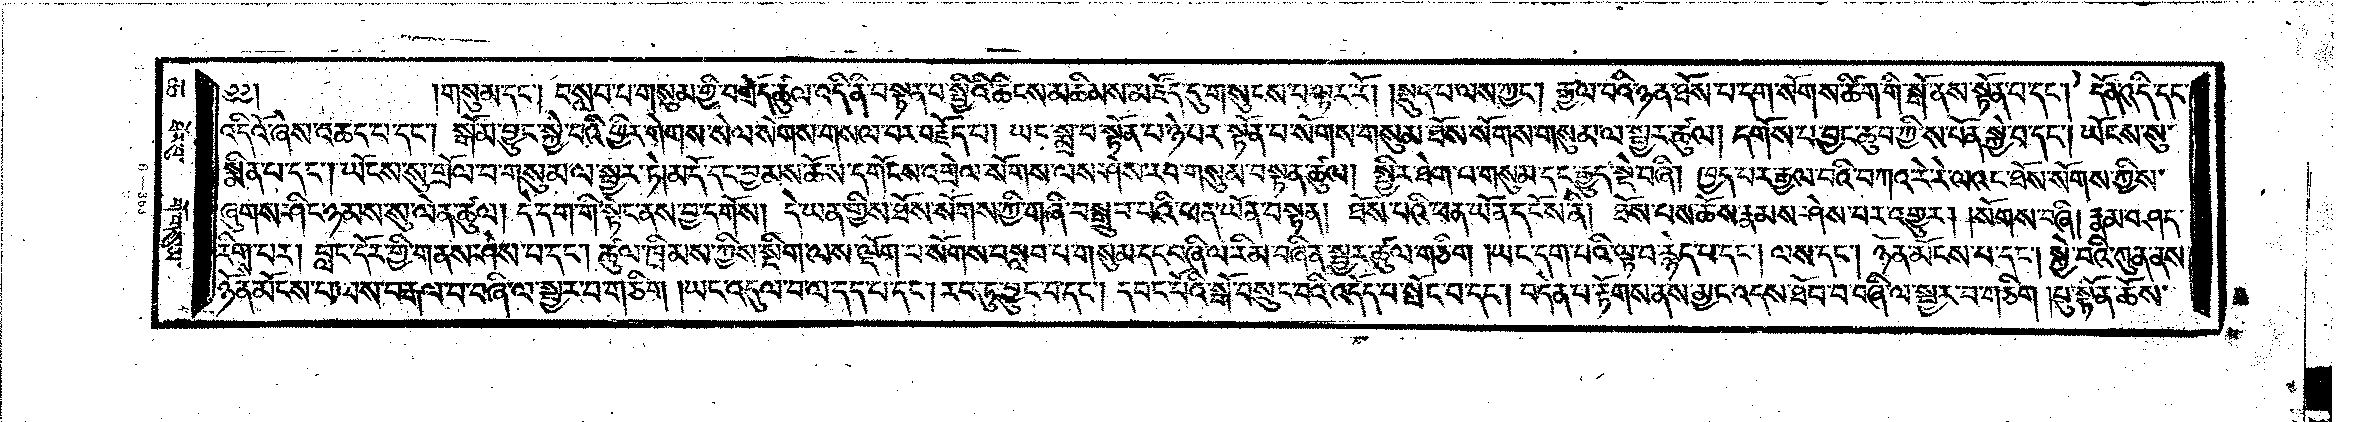༄༅། །གསུམ་དང་། བསླབ་པ་གསུམ་གྱི་བགྲོད་ཚུལ་འདི་ནི་བསྟན་པ་སྤྱིའི་ཆིངས་མཆིམས་མཛོད་དུ་གསུངས་པ་ལྟར་རོ། །སྡུད་པ་ལས་ཀྱང་། རྒྱལ་བའི་ཉན་ཐོས་པ་དག་སོགས་ཚིག་གི་སྒོ་ནས་སྟོན་པ་དང་། དོན་འདི་དང་
འདིའོ་ཞེས་འཆད་པ་དང་། སྒོམ་བྱུང་སྐྱེ་བའི་ཕྱིར་གེགས་སེལ་སོགས་གསལ་བར་བརྗོད་པ། ཡང་སྨྲ་བ་སྟོན་པ་ཉེ་པར་སྟོན་པ་སོགས་གསུམ་ཐོས་སོགས་གསུམ་ལ་སྦྱར་ཚུལ། དགོས་པ་བྱང་ཆུབ་ཀྱི་ས་པོན་སྐྱེ་བ་དང་། ཡོངས་སུ་
སྨིན་པ་དང་། ཡོངས་སུ་གྲོལ་པ་གསུམ་ལ་སྦྱར་ཏེ། མདོ་དང་བྱམས་ཆོས་དགོངས་འགྲེལ་སོགས་ལས་ཤེས་རབ་གསུམ་བསྟན་ཚུལ། སྤྱིར་ཐེག་པ་གསུམ་དང་རྒྱུད་སྡེ་བཞི། ཁྱད་པར་རྒྱལ་བའི་བཀའ་རེ་རེ་ལའང་ཐོས་སོགས་ཀྱིས་
ཞུགས་ཤིང་ཉམས་སུ་ལེན་ཚུལ། དེ་དག་གི་སྟེང་ནས་བྱ་དགོས། དེ་ཡན་གྱིས་ཐོས་སོགས་ཀྱི་གཞི་བསྒྲུབ་པའི་ཕན་ཡོན་བསྟན། ཐོས་པའི་ཕན་ཡོན་དངོས་ནི། ཐོས་པས་ཆོས་རྣམས་ཤེས་པར་འགྱུར། །སོགས་བཞི། རྣམ་བཤད་
རིགས་པར། བླང་དོར་གྱི་གནས་ཤེས་པ་དང་། ཚུལ་ཁྲིམས་ཀྱིས་སྡིག་ལས་ལྡོག་པ་སོགས་བསླབ་པ་གསུམ་དང་བཞི་ལ་རིམ་བཞིན་སྦྱར་ཚུལ་གཅིག །ཡང་དག་པའི་ལྟ་བ་རྙེད་པ་དང་། ལས་དང་། ཉོན་མོངས་པ་དང་། སྐྱེ་བའི་ཀུན་ནས་
ཉོན་མོངས་པ་ལས་བརྒལ་བ་བཞི་ལ་སྦྱར་བ་གཅིག །ཡང་འདུལ་བ་ལ་དད་པ་དང་། རབ་ཏུ་བྱུང་བ་དང་། དབང་པོའི་སྒོ་བསྲུང་བའི་འདོད་པ་སྤོང་བ་དང་། བདེན་པ་རྟོགས་ནས་མྱང་འདས་ཐོབ་བ་བཞི་ལ་སྦྱར་བ་གཅིག །པུ་སྟོན་ཆོས་